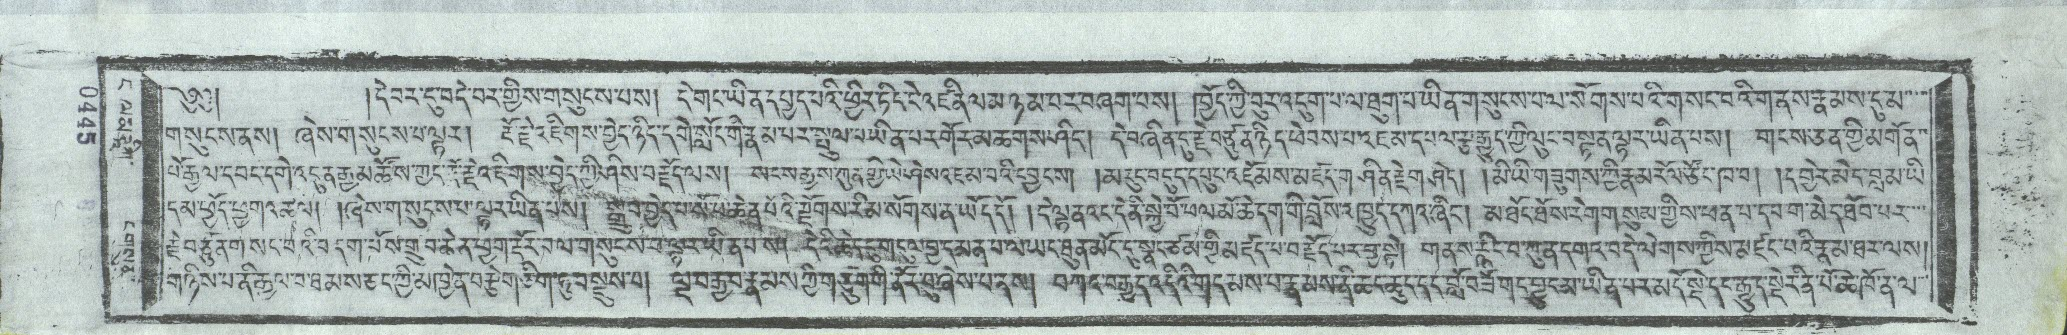༄༅། །དེ་བར་དུ་བདེ་བར་གྱིས་གསུངས་པས། དེ་གང་ཡིན་དཔྱད་པའི་ཕྱིར་ཏིང་ངེ་འཛིན་ལ་མཉམ་པར་བཞག་པས། ཁྱོད་ཀྱི་བུར་འདུག་པ་ལ་ཐུག་པ་ཡིན་གསུངས་པ་ལ་སོགས་པའི་གསང་བའི་གནས་རྣམས་དུ་མ་
གསུངས་ནས། ཞེས་གསུངས་པ་ལྟར། རྡོ་རྗེ་འཇིགས་བྱེད་ཉིད་དགེ་སློང་གི་རྣམ་པར་སྤུལ་པ་ཡིན་པར་གོར་མ་ཆགས་ཤིང་། དེ་བཞིན་དུ་རྗེ་བཙུན་ཉིད་ཕེབས་པ་འཇམ་དཔལ་རྩ་རྒྱུད་ཀྱི་ལུང་བསྟན་ལྟར་ཡིན་པས། གངས་ཅན་གྱི་མགོན་
པོ་རྒྱལ་དབང་དགེ་འདུན་རྒྱ་མཚོས་ཀྱང་རྡོ་རྗེ་འཇིགས་བྱེད་ཀྱི་ཤིས་བརྗོད་ལས། སངས་རྒྱས་ཀུན་གྱི་ཡེ་ཤེས་འཇམ་བའི་དབྱངས། །མ་རུང་བདུད་དཔུང་འཇོམས་མཛད་གཤིན་རྗེ་གཤེད། །མི་ཡི་གཟུགས་ཀྱི་རྣམ་རོལ་ཙོང་ཁ་བ། །དབྱེར་མེད་བླ་མ་ཡི་
དམ་ཕྱོད་ཕྱག་འཚལ། །ཞེས་གསུངས་པ་ལྟར་ཡིན་པས། སྒྲུབ་བྱེད་པ་སོ་པ་ཆེན་པོའི་རྫོགས་རིམ་སོགས་ན་ཡོད་དོ། །དེ་ལྷ་ནའང་དེ་ནི་སྐྱེ་བོ་ཕལ་མོ་ཆེ་དག་གི་བློས་འཁྱུད་དཀའ་ཞིང་། མཐོང་ཐོས་རེག་གསུམ་གྱིས་ཕན་པ་དཔག་མེད་ཐོབ་པར་
རྗེ་བཙུན་གསང་བའི་བདག་པོས་གྲུབ་ཆེན་ཕྱག་རྡོར་བ་ལ་གསུངས་པ་ལྟར་ཡིན་པས། དེའི་ཆེད་དུ་གདུལ་བྱ་དམན་པ་ལ་ཡང་ཐུན་མོང་དུ་སྣང་ཙམ་གྱི་མཛད་པ་བརྗོད་པར་བྱ་སྟེ། གནས་རྙིང་བ་ཀུན་དགའ་བདེ་ལེགས་ཀྱིས་མཛད་པའི་རྣམ་ཐར་ལས་
གཉིས་པ་ནི་རྒྱལ་བ་ཐམས་ཅད་ཀྱི་མཁྱེན་བརྩེ་གཅིག་ཏུ་བསྡུས་པ། ལྔ་བརྒྱ་བ་རྣམས་ཀྱི་གཙུག་གི་ནོར་བུ་ཞེས་པ་ནས། བཀའ་བརྒྱད་འདིའི་གདམས་པ་རྣམས་ནི་ཆང་ཆུང་དང་བློ་བཟོ་གང་བྱུང་མ་ཡིན་པར་མདོ་སྡེ་དང་རྒྱུད་སྡེ་རིན་པོ་ཆེ་ཁོ་ན་ལ་